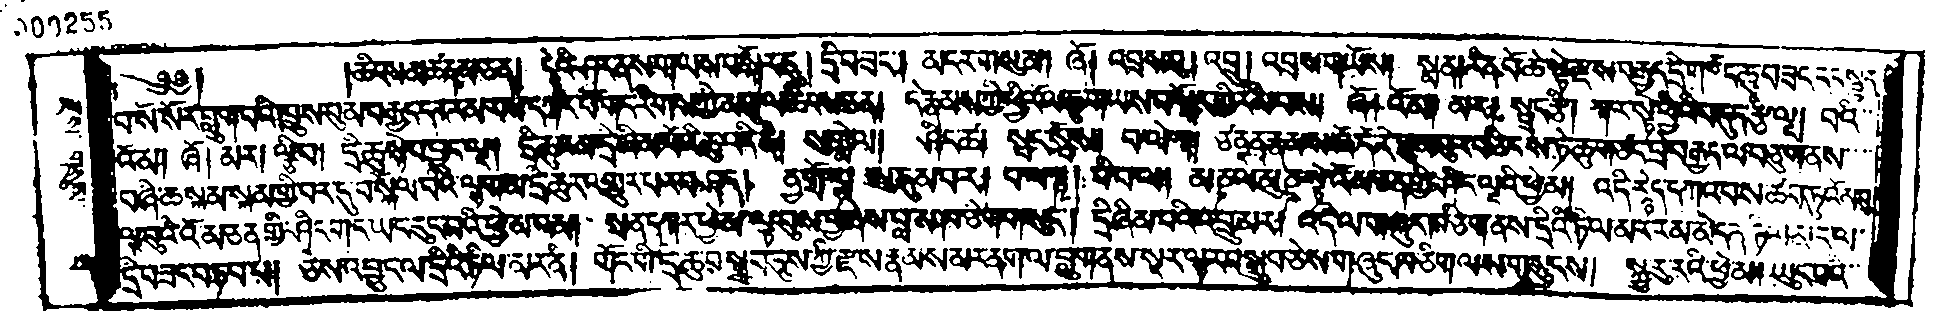༄༅། །ཆིངས་མཚན་མ་ཅན། དེའི་ཤར་ནས་གཡས་བསྐོར་དུ། དྲི་བཟང་། མངར་གསུམ། ཞོ། འབྲས་བུ། འབྲུ། འབྲས་གཡོས། སྨན། རིན་པོ་ཆེ་སྟེ་རྫས་བརྒྱད་དྲི་གཙང་ཆུ་བཟང་དང་སྦྱར་
བ་སོ་སོར་བླུག་བའི་ཁྲུས་བུམ་བརྒྱད་དར་རམ་རས་དཀར་པོ་གང་རིགས་ཀྱི་མགུལ་ཆིངས་ཅན། དེ་རྣམས་ཀྱི་ཕྱི་རོལ་ཏུ་གཡས་བསྐོར་གྱི་རིམ་པས། ཞོ། འོ་མ། མར། སྦྲང་རྩི། ཀར་སྟེ་ཕྱིའི་བདུད་རྩི་ལྔ། བའི་
འོ་མ། ཞོ། མར། ལྕི་བ། དྲི་ཆུ་སྟེ་བ་བྱུང་ལྔ། དྲི་ཆུ་འམ་དྲི་ཞིམ་པོའི་ཆུ་འདི་ནི། སུ་གྨེལ། ཤིང་ཚ། སྤང་སྤོས། བ་ལེ་ཀ། ཙནྡན་རྣམས་ཞོ་དོ་རེ་ཐུམ་བུར་བཅིངས་ཏེ་ཆུ་གཙང་བྲེ་བརྒྱད་ལ་བཅུག་ནས་
བཞི་ཆ་སྐམ་སྐམ་གྱི་བར་དུ་བསྐོལ་བའི་ལྷག་མ་དྲི་ཆུར་འགྱུར་པར་བཤད། ནྱ་གྲོ་དྷ། ཨུ་དུམ་བ་ར། བ་ལཀྵ། བི་བ་ལ། མཎྜལ་མུཎཌ་སྟེ་འོ་མ་ཅན་གྱི་ཤིང་ལྔའི་ཕྱེ་མ། འདི་རྙེད་དཀའ་བས་ཚབ་ཏུ་འོམ་བུ་
ལྟ་བུའི་འོ་མ་ཅན་གྱི་ཤིང་གང་ཡང་རུང་བའི་ཕྱེ་མ་འམ། སྲན་དཀར་ཕྱེ་མ་ལྟ་བུས་བྱ་ཞེས་བླ་མ་ཁ་ཅིག་གསུང་། དྲི་ཞིམ་པའི་འབྲུ་མར། འདི་ལ་གཞུང་ཁ་ཅིག་ནས་དྲིའི་ཏིལ་མར་རམ་མེད་ན་ཏིལ་མར་ལ་
དྲི་བཟང་བཏབ་པ། ཅེས་འབྱུང་ལ་དྲིའི་ཏིལ་མར་ནི། གོང་གི་དྲི་ཆུ་བསྒྲུབ་དུས་ཀྱི་རྫས་རྣམས་མར་ནག་ལ་བླུག་ནས་སྔར་ལྟར་བསྒྲུབ་ཅེས་གཞུང་ཁ་ཅིག་ལས་གསུངས། སྐྱུ་རུ་རའི་ཕྱེ་མ། ཡུང་བའི་